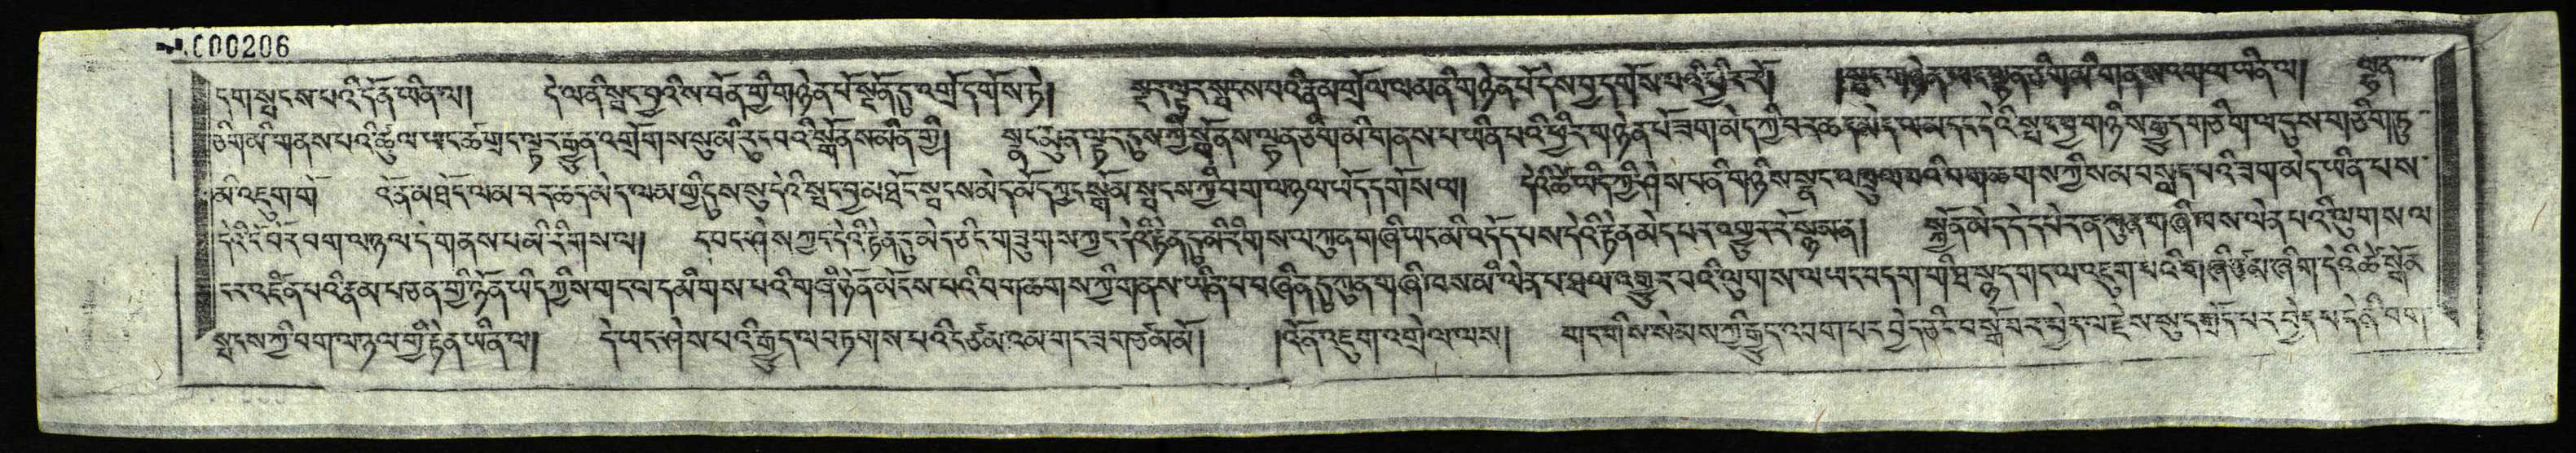དག་སྤངས་པའི་དོན་ཡིན་ལ། དེ་ལ་ནི་སྤང་བྱའི་ས་བོན་གྱི་གཉེན་པོ་སྔོན་དུ་འགྲོ་དགོས་ཏེ། སྔར་ལྟར་སྤངས་པའི་རྣམ་གྲོལ་ལམ་ནི་གཉེན་པོ་དེས་བྱ་དགོས་པའི་ཕྱིར་རོ། །སྤང་གཉེན་ཡང་ལྷན་ཅིག་མི་གནས་འགལ་ཡིན་ལ། ལྷན་
ཅིག་མི་གནས་པའི་ཚུལ་ཡང་ཚ་གྲང་ལྟར་རྒྱུན་འགྲོགས་སུ་མི་རུང་བའི་སྒོ་ནས་མིན་གྱི། སྣང་མུན་ལྟར་དུས་ཀྱི་སྒོ་ནས་ལྷན་ཅིག་མི་གནས་པ་ཡིན་པའི་ཕྱིར་གཉེན་པོ་ཟག་མེད་ཀྱི་བར་ཆད་མེད་ལམ་དང་དེའི་སྤང་བྱ་གཉིས་རྒྱུད་གཅིག་ལ་དུས་གཅིག་ཏུ་
མི་འཇུག་གོ་འོ་ན་མཐོང་ལ་བར་ཆད་མེད་ལམ་གྱི་དུས་སུ་དེའི་སྤང་བྱ་མཐོང་སྤངས་མེད་མོད་ཀྱང་སྒོམ་སྤངས་ཀྱི་བག་ལ་ཉལ་ཡོད་དགོས་ལ། དེའི་ཚེ་ཡིད་ཀྱི་ཤེས་པ་ནི་གཉིས་སྣང་འཁྲུལ་པའི་བག་ཆགས་ཀྱིས་མ་བསླད་པའི་ཟག་མེད་ཡིན་པས་
དེའི་ངོ་བོར་བག་ལ་ཉལ་དེ་གནས་པ་མི་རིགས་ལ། དབང་ཤེས་ཀྱང་དེའི་རྟེན་དུ་མེད་ཅིང་གཟུགས་ཀྱང་དེའི་རྟེན་དུ་མི་རིགས་ལ་ཀུན་གཞི་ཡང་མི་འདོད་པས་དེའི་རྟེན་མེད་པར་འགྱུར་རོ་སྙམ་ན། སྐྱོན་མེད་དེ་དཔེར་ན་ཀུན་གཞི་ཁས་ལེན་པའི་ལུགས་ལ་
ངར་འཛིན་པའི་རྣམ་པ་ཅན་གྱི་ཉོན་ཡིད་ཀྱིས་གང་ལ་དམིགས་པའི་གཞི་ཉོན་མོངས་པའི་བག་ཆགས་ཀྱི་གནས་ཡིན་པ་བཞིན་དུ་ཀུན་གཞི་ཁས་མི་ལེན་པ་ཐལ་འགྱུར་བའི་ལུགས་ལ་ཡང་བདག་གི་ཐ་སྙད་གང་ལ་འཇུག་པའི་གཞི་ཙམ་ཞིག་དེའི་ཚེ་སྒོམ་
སྤངས་ཀྱི་འགལ་ཉལ་གྱི་རྟེན་ཡིན་ལ། དེ་ཡང་ཤེས་པའི་རྒྱུད་ལ་བཏགས་པའི་བཙམ་འམ་གང་ཟག་ཙམ་མོ། །འོ་ན་འཇུག་འགྲེལ་ལས། གང་གིས་སེམས་ཀྱི་རྒྱུད་འབག་པར་བྱེད་ཅིང་བསྒོ་བར་བྱེད་ལ་རྗེས་སུ་དགྲོད་པར་བྱེད་པ་དེ་ནི་བག་